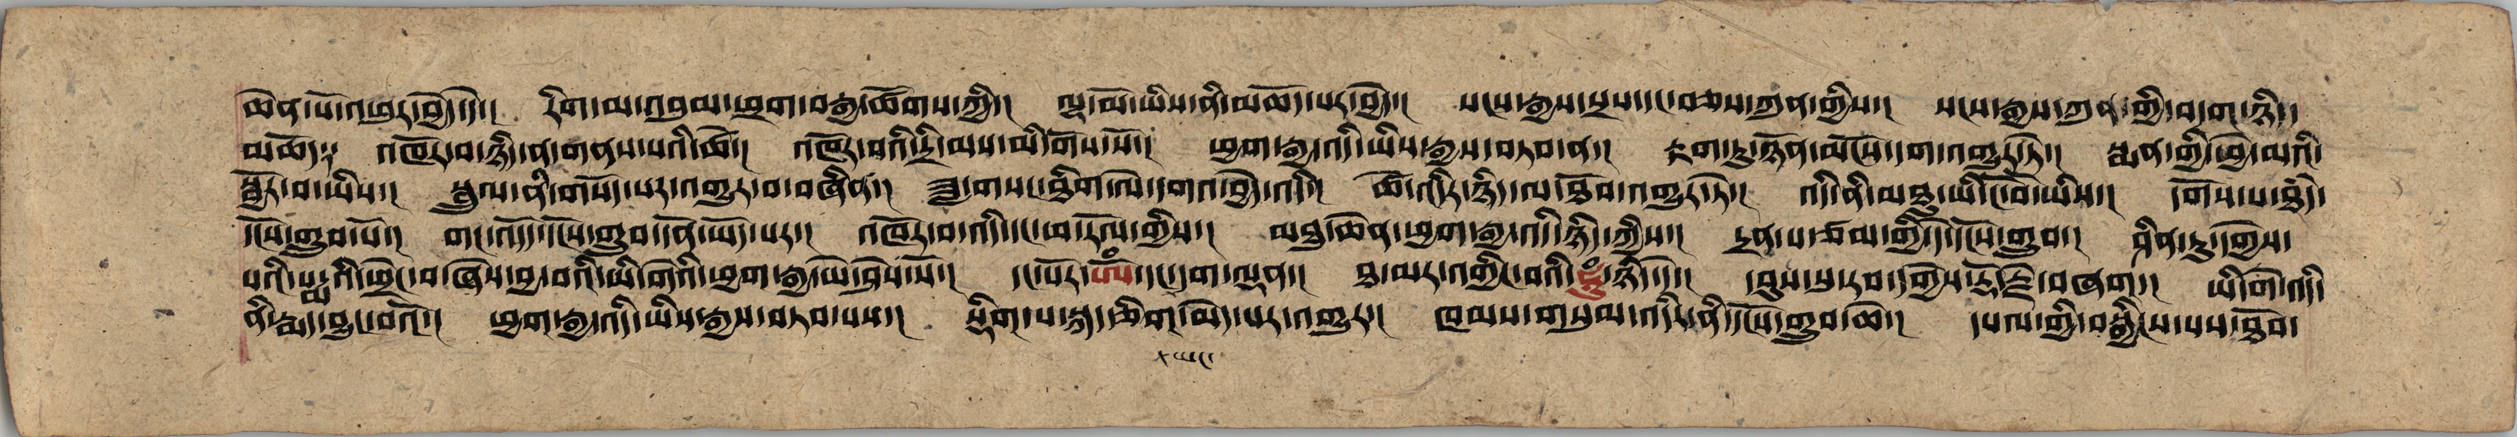ཆེན་པོ་འཕུར་བྱེད་དེ་། རིག་མ་འབུམ་ཕྲག་བརྒྱ་ཚོགས་ཀྱི་། ལྷ་མོ་ཡིས་ནི་མཆོད་པར་བྱེད་། སངས་རྒྱས་སྲས་དང་བཅས་ཀུན་གྱིས་། སངས་རྒྱས་ཀུན་གྱི་བདག་ཉིད་
མཆོད༑ འཁོར་བ་ཉིད་ན་གནས་པའི་ཚེ་། འཁོར་བའི་དྲི་མས་མི་གོས་སོ་། ཕྱག་རྒྱ་འདི་ཡིས་རྒྱས་བཏབ་ན་། རྟག་ཏུ་ཉོན་མོངས་དག་འགྱུར་ཏེ་། སྨན་གྱི་ཕྱེ་མའི་
སྦྱོར་བ་ཡིས་། སྦྲུལ་ནི་གསོད་པར་འགྱུར་བ་བཞིན་། ཟླ་གསང་ཐིག་ལེ་དགའ་བྱེད་འདི་། ཚེ་འདིར་ཉིད་ལ་ཐོབ་འགྱུར་ཏེ་། འདི་ནི་མཐུ་ཡི་ངོ་བོ་ཡིས་། དགོས་པ་ཐཾད་
དངོས་གྲུབ་པོ་། གང་འདོད་དངོས་གྲུབ་དོན་ཡོད་པར་། འཁོར་བ་འདི་དང་ཕ་རོལ་གྱིས་། མཐུ་ཆེན་ཕྱག་རྒྱ་འདི་ཉིད་ཀྱིས་། དྲན་པ་ཙམ་གྱི་དེ་དངོས་གྲུབ་། ཤིན་ཏུ་དགྱེས་
པའི་པདྨའི་ཕྲེང་བ་ཞེས་བྱ་བའི་ཡི་གེའི་ཕྱག་རྒྱ་ཡེ་ཤེས་སོ་། དང་པོར་ཨོྃ་དང་དག་ལྡན་། ཐ་མར་འགྱིང་བའི་ཧཱུཾ་ཉིད་དེ་། དབུས་སུ་རབ་དགྱེས་རྡོ་རྗེ་བཞག་། ཡི་གེ་འདི་
ནི་རྨད་བྱུང་བའོ་། ཕྱག་རྒྱ་འདི་ཡིས་རྒྱས་བཏབ་པས་། སྡིག་པ་སྐད་ཅིག་མེད་པར་འགྱུར་། ཁམས་གསུམ་འདིར་ནི་དངོས་གྲུབ་ཆེ་། དཔལ་གྱི་བསྒྱིངས་པས་ཐོབ་